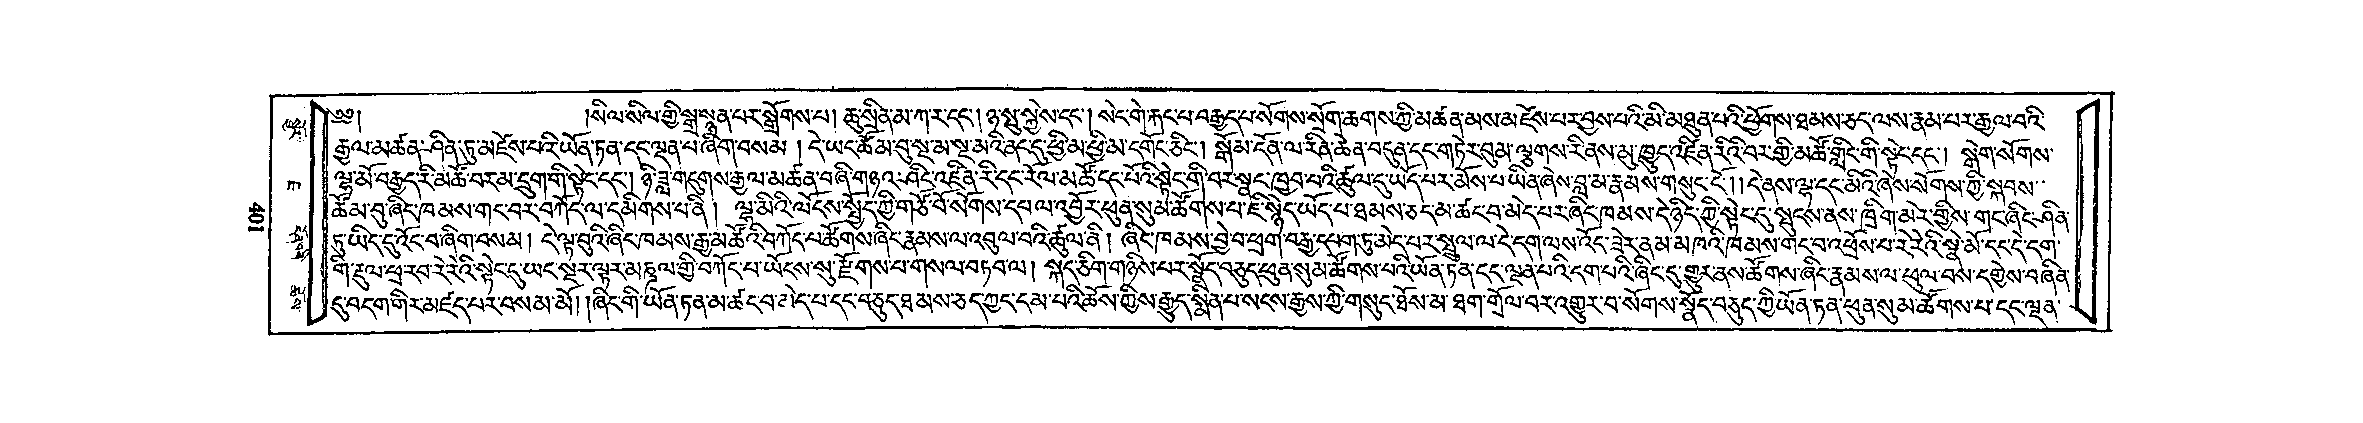༄༅། །སིལ་སིལ་གྱི་སྒྲ་སྙན་པར་སྒྲོགས་པ། ཆུ་སྲིན་མ་ཀ་ར་དང་། ཉ་སྤུ་སྐྱེས་དང་། སེང་གེ་རྐང་པ་བརྒྱད་པ་སོགས་སྲོག་ཆགས་ཀྱི་མཚན་མས་མཛེས་པར་བྱས་པའི་མི་མཐུན་པའི་ཕྱོགས་ཐམས་ཅད་ལས་རྣམ་པར་རྒྱལ་བའི་
རྒྱལ་མཚན་ཤིན་ཏུ་མཛེས་པའི་ཡོན་ཏན་དང་ལྡན་པ་ཞིག་བསམ། དེ་ཡང་ཚོམ་བུ་སྔ་མ་སྔ་མའི་ནང་དུ་ཕྱི་མ་ཕྱི་མ་དགོང་ཅིང་། སྒོམ་དོན་ལ་རིན་ཆེན་བདུན་དང་གཏེར་བུམ་ལྕགས་རི་ནས་མུ་ཁྱུད་འཛིན་རིའི་བར་གྱི་མཚོ་གླིང་གི་སྟེང་དང་། སྒེག་སོགས་
ལྷ་མོ་བརྒྱད་རི་མཚོ་བར་མ་དྲུག་གི་སྟེང་དང་། ཉི་ཟླ་གདུགས་རྒྱལ་མཚན་བཞི་གཉའ་ཤིང་འཛིན་རི་དང་རོལ་མཚོ་དང་པོའི་སྟེང་གི་བར་སྣང་ཁྱབ་པའི་ཚུལ་དུ་ཡོད་པར་མོས་པ་ཡིན་ཞེས་བླ་མ་རྣམས་གསུང་ངོ། །དེ་ནས་ལྷ་དང་མིའི་ཞེས་སོགས་ཀྱི་སྐབས་
ཚོམ་བུ་ཞིང་ཁམས་གང་བར་བཀོད་ལ་དམིགས་པ་ནི། ལྷ་མིའི་ལོངས་སྤྱོད་ཀྱི་གཙོ་བོ་སོགས་དཔལ་འབྱོར་ཕུན་སུམ་ཚོགས་པ་ཇི་སྙེད་ཡོད་པ་ཐམས་ཅད་མ་ཚང་བ་མེད་པར་ཞིང་ཁམས་དེ་ཉིད་ཀྱི་སྟེང་དུ་སྤུངས་ནས་ཁྲིག་མེར་གྱིས་གང་ཞིང་ཤིན་
ཏུ་ཡིད་དུ་འོང་བ་ཞིག་བསམ། དེ་ལྟ་བུའི་ཞིང་ཁམས་རྒྱ་མཚོའི་བཀོད་པ་ཚོགས་ཞིང་རྣམས་ལ་འབུལ་བའི་ཚུལ་ནི། ཞིང་ཁམས་བྱེ་བ་ཕྲག་བརྒྱ་དཔག་ཏུ་མེད་པར་སྤྲུལ་ལ་དེ་དག་ལས་འོད་ཟེར་ནམ་མཁའི་ཁམས་གང་བ་འཕྲོས་པ་རེ་རེའི་སྣེ་མོ་དང་དེ་དག་
གི་རྡུལ་ཕྲ་རབ་རེ་རེའི་སྟེང་དུ་ཡང་སྔར་ལྟར་མཎྜལ་གྱི་བཀོད་པ་ཡོངས་སུ་རྫོགས་པ་གསལ་བཏབ་ལ། སྐད་ཅིག་གཉིས་པར་སྣོད་བཅུད་ཕུན་སུམ་ཚོགས་པའི་ཡོན་ཏན་དང་ལྡན་པའི་དག་པའི་ཞིང་དུ་གྱུར་ནས་ཚོགས་ཞིང་རྣམས་ལ་ཕུལ་བས་དགྱེས་བཞིན་
དུ་བདག་གིར་མཛད་པར་བསམ་མོ། །ཞིང་གི་ཡོན་ཏན་མ་ཚང་བ་མེད་པ་དང་བཅུད་ཐམས་ཅད་ཀྱང་དམ་པའི་ཆོས་ཀྱིས་རྒྱུད་སྨིན་པ་སངས་རྒྱས་ཀྱི་གསུང་ཐོས་མ་ཐག་གྲོལ་བར་འགྱུར་བ་སོགས་སྣོད་བཅུད་ཀྱི་ཡོན་ཏན་ཕུན་སུམ་ཚོགས་པ་དང་ལྡན་